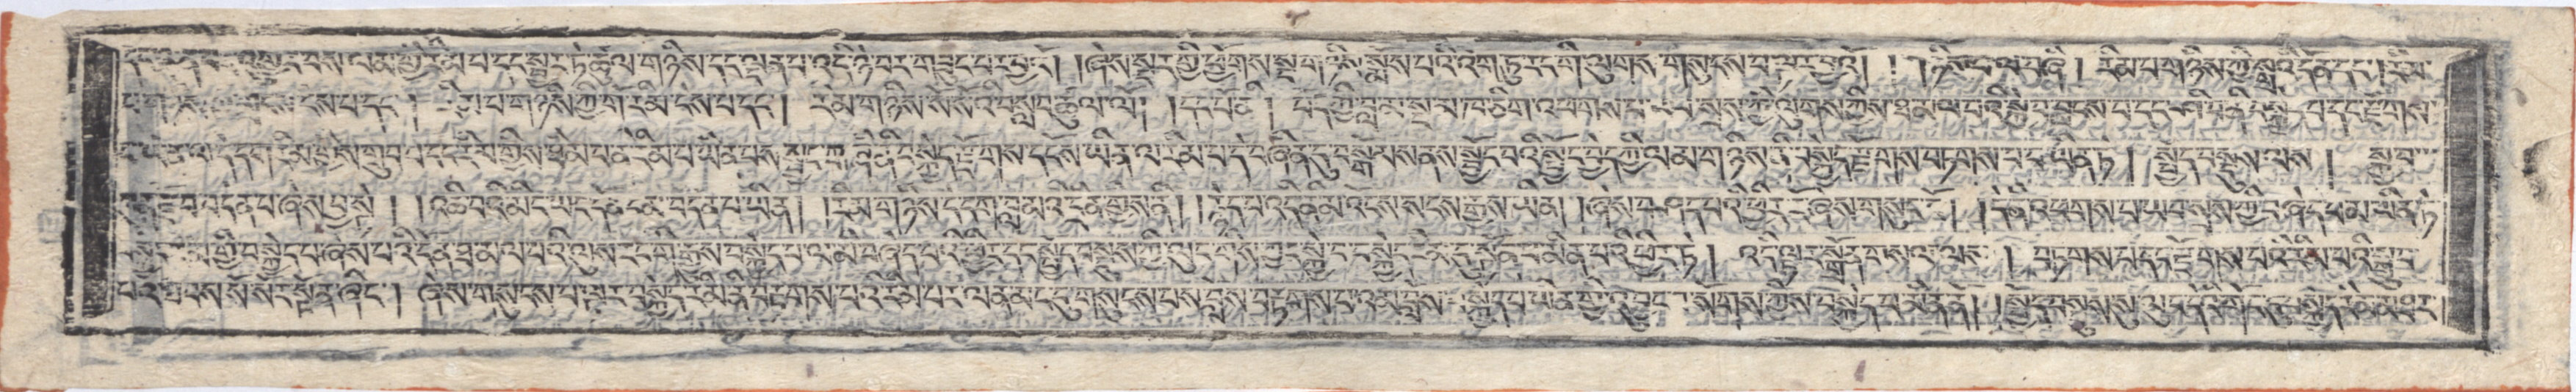དང་ལྡན་པར་འགྱུར་བས་ལམ་གྱི་རིམ་པ་དང་སྦྱར་ཏེ་ཚུལ་གཉིས་དང་ལྡན་པ་འདི་ཉེ་བར་གཟུང་བར་བྱའོ། །ཞེས་སྔར་གྱི་ཕྱོགས་སྔ་གཉིས་སྨོས་པའི་འོག་ཏུ་རང་གི་ལུགས་གསུངས་པ་ལྟར་བྱའོ། །གཉིས་པ་ལ་བཞི། རིམ་པ་གཉིས་ཀྱི་སྒྲའི་དོན་དང་། རིམ་
པ་གཉིས་ཀྱི་གྲངས་ངེས་པ་དང་། རིམ་པ་གཉིས་ཀྱི་གོ་རིམ་ངེས་པ་དང་། རིམ་གཉིས་སོ་སོའི་བསླབ་ཚུལ་ལོ། །དང་པོ་ནི། བོད་ཀྱི་བླ་མ་སྔ་མ་ཁ་ཅིག་འཕགས་པ་ཡབ་སྲས་ཀྱི་ལུགས་ཀྱིས་ཐ་མལ་པའི་སྐྱེ་བ་བླངས་པ་དང་ཤི་བ་ནི་བསྐྱེད་པ་དང་རྫོགས་
པ་ཡིན་ལ་དེ་དག་རིམ་གྱིས་གྲུབ་པ་དང་རིམ་གྱིས་ཐིམ་པ་ནི་རིམ་པ་ཡིན་པས་སྦྱང་གཞི་ནི་བསྐྱེད་རྫོགས་དངོས་ཡིན་ལ་རིམ་པ་དེ་བཞིན་དུ་བསྒོམས་ནས་སྦྱོང་བའི་སྦྱོང་བྱེད་ཀྱི་ལམ་གཉིས་ནི་བསྐྱེད་རྫོགས་བཏགས་པ་བ་ཡིན་ཏེ། སྤྱོད་བསྡུས་ལས། སྐྱེ་བ་
ཀུན་རྫོབ་བདེན་པ་ཞེས་བྱ་སྟེ། །འཆི་བའི་མིང་ཡང་དོན་དམ་བདེན་པ་ཡིན། །རིམ་གཉིས་དེ་དག་བླ་མའི་དྲིན་གྱིས་ནི། །རྙེད་པ་འདི་ནི་མ་འོངས་སངས་རྒྱས་ཡིན། །ཞེས་བཤད་པའི་ཕྱིར་རོ་ཞེས་གསུང་ངོ། །དེ་ནི་འཕགས་པ་ཡབ་སྲས་ཀྱི་བཞེད་པ་མ་ཡིན་ཏེ་
བསྐྱེད་རིམ་གྱི་བསྐྱེད་པ་ཞེས་པའི་དོན་ཐ་མལ་པའི་ལུས་རང་གི་རྒྱུས་བསྐྱེད་པ་ལ་མི་བཞེད་པའི་ཕྱིར་དང་སྤྱོད་བསྡུས་ཀྱི་ལུང་གིས་ཀྱང་སྐྱེ་བ་བསྐྱེད་རིམ་དུ་སྟོན་པ་མིན་པའི་ཕྱིར་ཏེ། འདི་ལྟར་སྒྲོན་གསལ་ལས། བཏགས་པ་དང་རྫོགས་པའི་རིམ་པའི་སྒྲུབ་
པའི་ཐབས་སོ་སོར་སྟོན་ཞིང་། ཞེས་གསུངས་པ་ལྟར་བསྐྱེད་རིམ་ནི་བརྟགས་པའི་རིམ་པར་ལན་མང་དུ་གསུངས་པས་བློས་བརྟགས་པའམ་བློས་བསྐྱེད་པ་ཡིན་གྱི་འབྱུང་བ་སོགས་ཀྱིས་བསྐྱེད་པ་མིན་ནོ། །སྤྱོད་བསྡུས་སུ་ལུང་དེའི་གོང་དུ་བསྐྱེད་རིམ་མཐར་